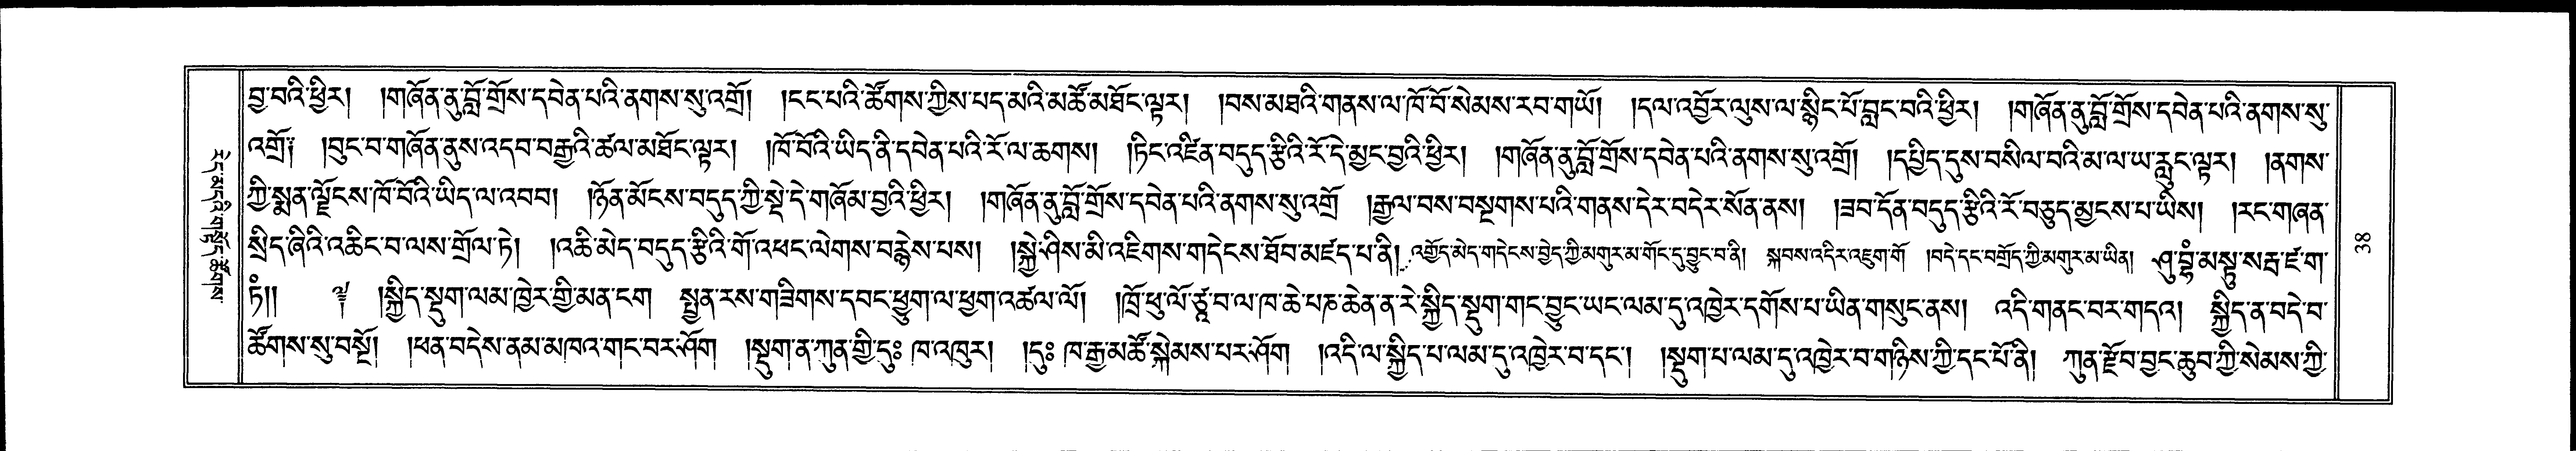བྱ་བའི་ཕྱིར། །གཞོན་ནུ་བློ་གྲོས་དབེན་པའི་ནགས་སུ་འགྲོ། །ངང་པའི་ཚོགས་ཀྱིས་པད་མའི་མཚོ་མཐོང་ལྟར། །བས་མཐའི་གནས་ལ་ཁོ་བོ་སེམས་རབ་གཡོ། །དལ་འབྱོར་ལུས་ལ་སྙིང་པོ་བླང་བའི་ཕྱིར། །གཞོན་ནུ་བློ་གྲོས་དབེན་པའི་ནགས་སུ་
འགྲོ། །བུང་བ་གཞོན་ནུས་འདབ་བརྒྱའི་ཚལ་མཐོང་ལྟར། །ཁོ་བོའི་ཡིད་ནི་དབེན་པའི་རོ་ལ་ཆགས། །ཏིང་འཛིན་བདུད་རྩིའི་རོ་དེ་མྱང་བྱའི་ཕྱིར། །གཞོན་ནུ་བློ་གྲོས་དབེན་པའི་ནགས་སུ་འགྲོ། །དཔྱིད་དུས་བསིལ་བའི་མ་ལ་ཡ་རླུང་ལྟར། །ནགས་
ཀྱི་སྨན་ལྗོངས་ཁོ་བོའི་ཡིད་ལ་འབབ། །ཉོན་མོངས་བདུད་ཀྱི་སྡེ་དེ་གཞོམ་བྱའི་ཕྱིར། །གཞོན་ནུ་བློ་གྲོས་དབེན་པའི་ནགས་སུ་འགྲོ་།རྒྱལ་བས་བསྔགས་པའི་གནས་དེར་བདེར་སོན་ནས། །ཟབ་དོན་བདུད་རྩིའི་རོ་བཅུད་མྱངས་པ་ཡིས། །རང་གཞན་
སྲིད་ཞིའི་འཆིང་བ་ལས་གྲོལ་ཏེ། །འཆི་མེད་བདུད་རྩིའི་གོ་འཕང་ལེགས་བརྙེས་པས། །སྐྱེ་ཤིས་མི་འཇིགས་གདེངས་ཐོབ་མཛད་པ་ནི། འགྱོད་མེད་གདེངས་བྱེད་ཀྱི་མགུར་མ་གོང་དུ་བྱུང་བ་ནི། སྐབས་འདིར་འཇུག་གོ །བདེ་དང་བགྲོད་ཀྱི་མགུར་མ་ཡིན། ཤུ་བྷཾ་མསྟུ་སརྦ་ཛ་ག་
ཏཾ།། ༈ །སྐྱིད་སྡུག་ལམ་ཁྱེར་གྱི་མན་ངག་སྤྱན་རས་གཟིགས་དབང་ཕྱུག་ལ་ཕྱག་འཚལ་ལོ། །ཁྲོ་ཕུ་ལོ་ཙཱ་བ་ལ་ཁ་ཆེན་པཎ་ཆེན་ན་རེ་སྐྱིད་སྡུག་གང་བྱུང་ཡང་ལམ་དུ་འཁྱེར་དགོས་པ་ཡིན་གསུང་ནས། འདི་གནང་བར་གདའ། སྐྱིད་ན་བདེ་བ་
ཚོགས་སུ་བསྔོ། །ཕན་བདེས་ནམ་མཁའ་གང་བར་ཤོག །སྡུག་ན་ཀུན་གྱི་དུཿ ཁ་འཁུར། །དུཿ ཁ་རྒྱ་མཚོ་སྐེམས་པར་ཤོག །འདི་ལ་སྐྱིད་པ་ལམ་དུ་འཁྱེར་བ་དང་། །སྡུག་པ་ལམ་དུ་འཁྱེར་བ་གཉིས་ཀྱི་དང་པོ་ནི། །ཀུན་རྫོབ་བྱང་ཆུབ་ཀྱི་སེམས་ཀྱི་